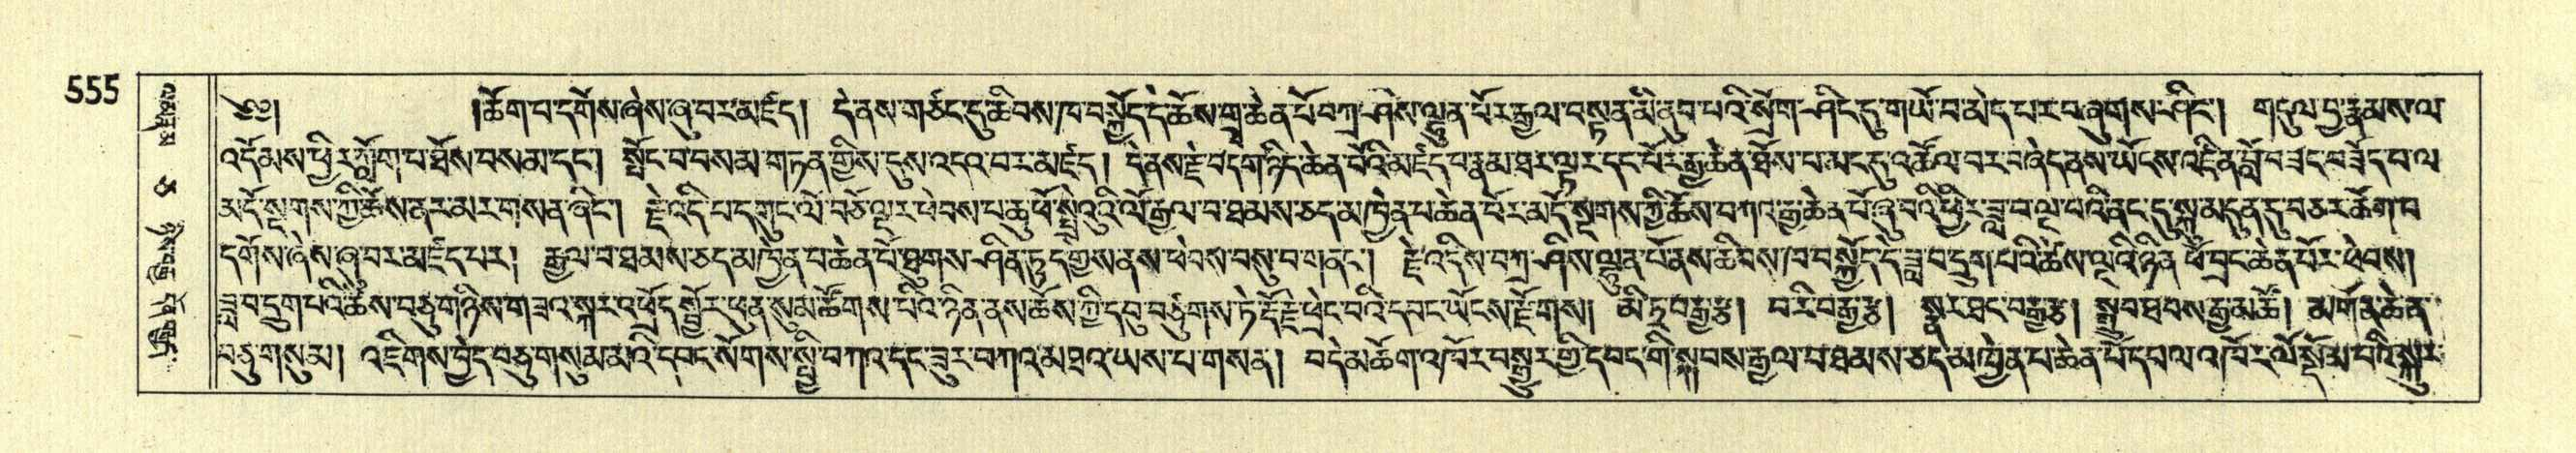༄༅། །ཆོག་པ་དགོས་ཞེས་ཞུ་བར་མཛད། དེ་ནས་གཙང་དུ་ཆིབས་ཁ་བསྐྱོད་དེ་ཆོས་གྲྭ་ཆེན་པོ་བཀྲ་ཤིས་ལྷུན་པོར་རྒྱལ་བསྟན་མི་ནུབ་པའི་སྲོག་ཤིང་དུ་གཡོ་བ་མེད་པར་བཞུགས་ཤིང་། གདུལ་བྱ་རྣམས་ལ་
འདོམས་ཕྱིར་ཀློག་པ་ཐོས་བསམ་དང་། སྤོང་བ་བསམ་གཏན་གྱིས་དུས་འདའ་བར་མཛད། དེ་ནས་རྗེ་བདག་ཉིད་ཆེན་པོའི་མཛད་པ་རྣམ་ཐར་ལྟར་དང་པོར་རྒྱ་ཆེན་ཐོས་པ་མང་དུ་འཚོལ་བར་བཞེད་ནས་ཡོངས་འཛིན་བློ་བཟང་བཟོད་པ་ལ་
མདོ་སྔགས་ཀྱི་ཆོས་ནར་མར་གསན་ཞིང་། རྗེ་འདི་པ་དགུང་ལོ་བཅོ་ལྔར་ཕེབས་པ་ཆུ་ཕོ་སྤྲེའུའི་ལོ་རྒྱལ་བ་ཐམས་ཅད་མཁྱེན་པ་ཆེན་པོར་མདོ་སྔགས་ཀྱི་ཆོས་བཀའ་རྒྱ་ཆེན་པོ་ཞུ་བའི་ཕྱིར་ཟླ་བ་ལྔ་པའི་ནང་དུ་སྐུ་མདུན་དུ་བཅར་ཆོག་པ་
དགོས་ཞེས་ཞུ་བར་མཛད་པར། རྒྱལ་བ་ཐམས་ཅད་མཁྱེན་པ་ཆེན་པོ་ཐུགས་ཤིན་ཏུ་དགྱེས་ནས་ཕེབས་བསུ་བ་གནང་། རྗེ་འདིས་བཀྲ་ཤིས་ལྷུན་པོ་ནས་ཆིབས་ཁ་བསྐྱོད་དེ་ཟླ་བ་དྲུག་པའི་ཚེས་ལྔའི་ཉིན་ཕོ་བྲང་ཆེན་པོར་ཕེབས།
ཟླ་བ་དྲུག་པའི་ཚེས་བཅུ་གཉིས་གཟའ་སྐར་འཕྲོད་སྦྱོར་ཕུན་སུམ་ཚོགས་པའི་ཉིན་ནས་ཆོས་ཀྱི་དབུ་བཙུགས་ཏེ་རྡོ་རྗེ་ཕྲེང་བའི་དབང་ཡོངས་རྫོགས། མི་ཏྲ་བརྒྱ་རྩ། བ་རི་བརྒྱ་རྩ། སྣར་ཐང་བརྒྱ་རྩ། སྒྲུབ་ཐབས་རྒྱ་མཚོ། མགོན་ཆེན་
བཅུ་གསུམ། འཇིགས་བྱེད་བཅུ་གསུམ་མའི་དབང་སོགས་སྤྱི་བཀའ་དང་ཟུར་བཀའ་མཐའ་ཡས་པ་གསན། བདེ་མཆོག་འཁོར་བསྒྱུར་གྱི་དབང་གི་སྐབས་རྒྱལ་བ་ཐམས་ཅད་མཁྱེན་པ་ཆེན་པོ་དཔལ་འཁོར་ལོ་སྡོམ་པའི་སྐུར་